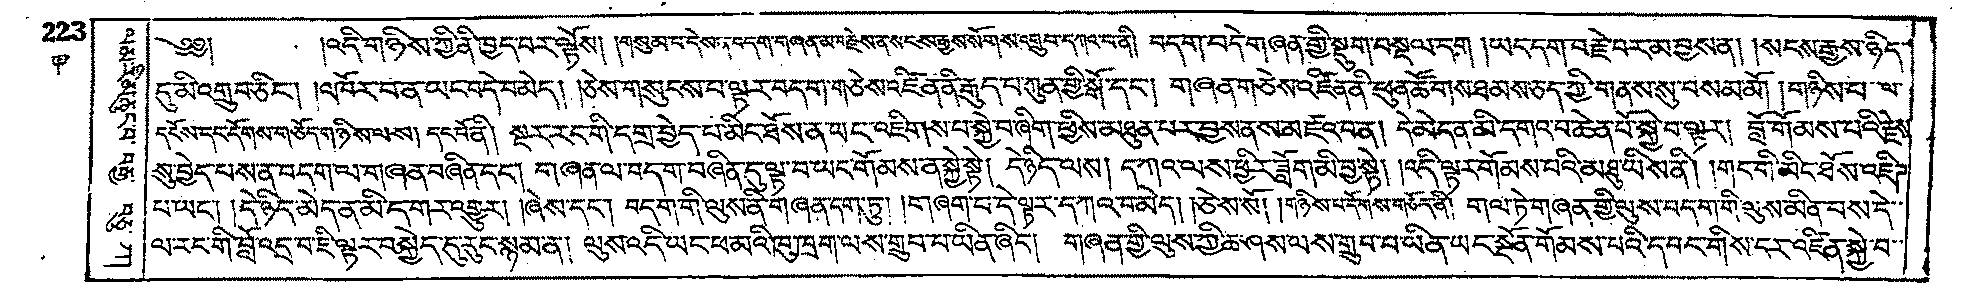༄༅། །འདི་གཉིས་ཀྱི་ནི་ཁྱད་པར་ལྟོས། །གསུམ་པ་དེས་ན་བདག་གཞན་མ་བརྗེས་ན་སངས་རྒྱས་སོགས་འགྲུབ་དཀའ་བ་ནི། བདག་བདེ་གཞན་གྱི་སྡུག་བསྔལ་དག །ཡང་དག་བརྗེ་བར་མ་བྱས་ན། །སངས་རྒྱས་ཉིད་
དུ་མི་འགྲུབ་ཅིང་། །འཁོར་བ་ན་ཡང་བདེ་བ་མེད། །ཅེས་གསུངས་པ་ལྟར་བདག་གཅེས་འཛིན་ནི་རྒུད་པ་ཀུན་གྱི་སྒོ་དང་། གཞན་གཅེས་འཛིན་ནི་ཕུན་ཚོགས་ཐམས་ཅད་ཀྱི་གནས་སུ་བསམ་མོ། །གཉིས་པ་ལ་
དངོས་དང་དོགས་གཅོད་གཉིས་ལས། དང་པོ་ནི། སྔར་རང་གི་དགྲ་བྱེད་པ་མིང་ཐོས་ན་ཡང་འཇིགས་པ་སྐྱེ་བ་ཞིག་ཕྱིས་མཐུན་པར་བྱས་ནས་མཛའ་བ་ན། དེ་མེད་ན་མི་དགའ་བ་ཆེན་པོ་སྐྱེ་བ་ལྟར། བློ་གོམས་པའི་རྗེས་
སུ་བྱེད་པས་ན་བདག་ལ་གཞན་བཞིན་དང་། གཞན་ལ་བདག་བཞིན་དུ་ལྟ་བ་ཡང་གོམས་ན་སྐྱེ་སྟེ། དེ་ཉིད་ལས། དཀའ་ལས་ཕྱིར་ཟློག་མི་བྱ་སྟེ། །འདི་ལྟར་གོམས་པའི་མཐུ་ཡིས་ནི། །གང་གི་མིང་ཐོས་འཇིཌ་
པ་ཡང་། །དེ་ཉིད་མེད་ན་མི་དགར་འགྱུར། །ཞེས་དང་། བདག་གི་ལུས་ནི་གཞན་དག་ཏུ། །གཞག་པ་དེ་ལྟར་དཀའ་བ་མེད། །ཅེས་སོ། །གཉིས་པ་དོགས་གཅོད་ནི། གལ་ཏེ་གཞན་གྱི་ལུས་བདག་གི་ལུས་མིན་པས་དེ་
ལ་རང་གི་བློ་འདྲ་བ་ཇི་ལྟར་བསྐྱེད་དུ་རུང་སྙམ་ན། ལུས་འདི་ཡང་ཕ་མའི་ཁུ་ཁྲག་ལས་གྲུབ་པ་ཡིན་ཞིང་། གཞན་གྱི་ལུས་ཀྱི་ཆ་ཤས་ལས་གྲུབ་པ་ཡིན་ཡང་སྔོན་གོམས་པའི་དབང་གིས་ངར་འཛིན་སྐྱེ་བ་